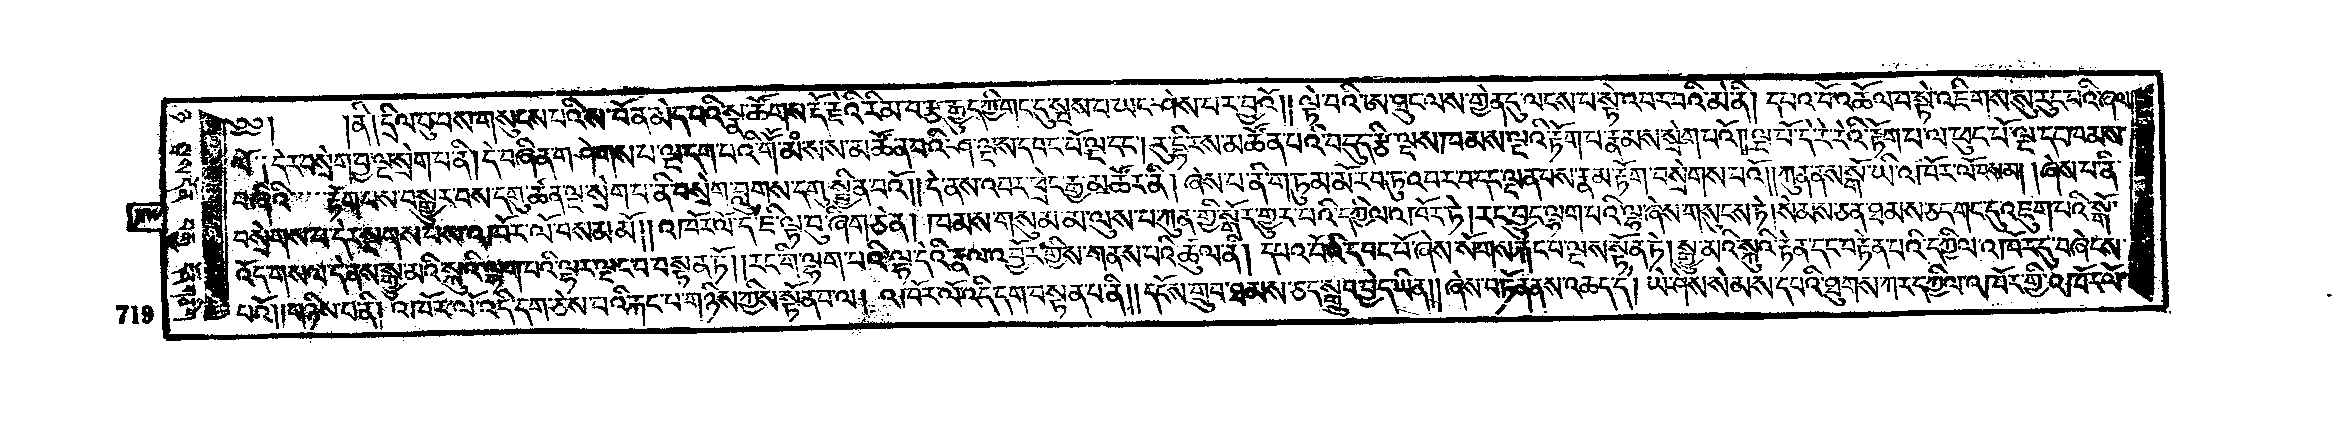༄༅། །ནི། དྲིལ་བུ་བས་གསུངས་པའི་ས་བོན་མེད་པའི་སྣ་ཚོགས་རྡོ་རྗེའི་རིམ་བ་རྩ་རྒྱུད་ཀྱི་གང་དུ་སྦས་པ་ཡང་ཤེས་པར་བྱའོ། །ལྟེ་བའི་ཨ་ཐུང་ལས་གྱེན་དུ་ལངས་པ་སྟེ་འབར་བའི་མེ་ནི། དཔའ་བོ་འཆོལ་བ་སྟེ་འཇིགས་སུ་རུང་པའི་ཞལ་
ལོ། །དེར་བསྲེག་བྱ་ལྔ་སྲེག་པ་ནི། དེ་བཞིན་གཤེགས་པ་ལྔ་དག་པའི་གཽ་མཾ་སས་མཚོན་བའི་ཤ་ལྔས་དབང་པོ་ལྔ་དང་། རུ་དྷི་རས་མཚོན་པའི་བདུད་རྩི་ལྔས་ཁམས་ལྔའི་རྟོག་པ་རྣམས་སྲེག་པའོ། །ལྔ་པོ་དེ་རེ་རེའི་རྟོག་པ་ལ་ཕུང་པོ་ལྔ་དང་ཁམས་
བཞིའི་རྟོག་པས་བསྒྱུར་བས་དགུ་ཚན་ལྔ་སྲེག་པ་ནི་བསྲེག་བླུགས་དགུ་སྦྱིན་པའོ། །དེ་ནས་འབར་ཕྲེང་རྒྱ་མཚོར་ནི། ཞེས་པ་ནི་གཏུམ་མོ་རབ་ཏུ་འབར་བ་དང་ལྡན་པས་རྣམ་རྟོག་བསྲེགས་པའོ། །ཀུན་ནས་སྒོ་ཡི་འཁོར་ལོ་བསམ། །ཞེས་པ་ནི་
བསྲེགས་པ་དེར་སྔགས་པས་འཁོར་ལོ་བསམ་མོ། །འཁོར་ལོ་དེ་ཇི་ལྟ་བུ་ཞིག་ཅེ་ན། ཁམས་གསུམ་མ་ལུས་པ་ཀུན་གྱི་སྒོར་གྱུར་པའི་དཀྱིལ་འཁོར་ཏེ། རང་བྱུང་ལྷག་པའི་ལྷ་ཞེས་གསུངས་ཏེ། སེམས་ཅན་ཐམས་ཅད་གང་དུ་འཇུག་པའི་སྒོ་
འོད་གསལ་དེ་ནས་སྒྱུ་མའི་སྐུའི་ལྷག་པའི་ལྷར་ལྡང་བ་བསྟན་ཏོ། །རང་གི་ལྷག་པའི་ལྷ་དེའི་རྣལ་འབྱོར་གྱིས་གནས་པའི་ཚུལ་ནི། དཔའ་བོའི་དབང་པོ་ཞེས་སོགས་རྐང་པ་ལྔས་སྟོན་ཏེ། སྒྱུ་མའི་སྐུའི་རྟེན་དང་བརྟེན་པའི་དཀྱིལ་འཁོར་དུ་བཞེངས་
པའོ། །གཉིས་པ་ནི། འཁོར་ལོ་འདི་དག་ཅེས་པའི་རྐང་པ་གཉིས་ཀྱིས་སྟོན་པ་ལ། འཁོར་ལོ་འདི་དག་བསྟན་པ་ནི། །དངོས་གྲུབ་ཐམས་ཅད་སྒྲུབ་བྱེད་ཡིན། །ཞེས་བཏོན་ནས་འཆད་དེ། ཡེ་ཤེས་སེམས་དཔའི་ཐུགས་ཀར་དཀྱིལ་འཁོར་གྱི་འཁོར་ལོ་